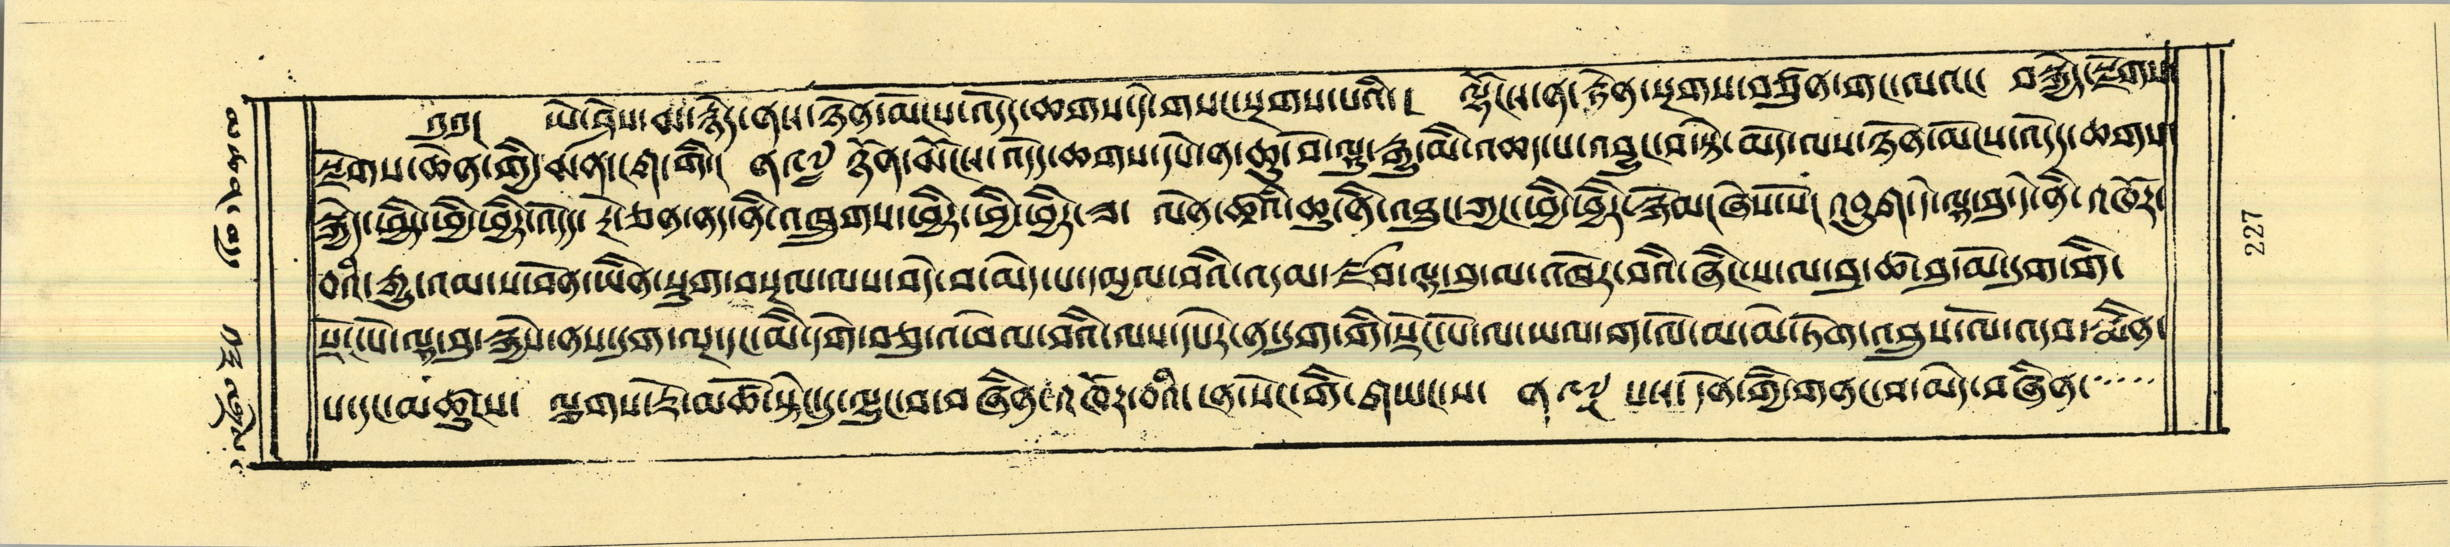ཡེ་ཤེས་ མ་རྙེད་ནས་ཉོན་མོངས་འདོད་ཆགས་དེ་གསང་སྔགས་པའི། ལྷོངས་ན་རྟེན་སྔགས་བཙུན་གང་ལའང། བསྐྱེད་སྫོགས་
སྫོགས་ཆེན་གྱི་མན་ངག་གི་ ན༩༧།༤ ཉོན་མོངས་འདོད་ཆགས་དཔེ་ན་ཆུ་བོ་ལྟ་བུ་རྒྱུ་མི་འཆད་པ་འབྱུང་བ་སྟེ་མདོ་ལས་ཉོན་མོངས་འདོད་ཆགས་
སྐྱེད་ཕྱིར་ཕྱི་ཕྱིར་འདོད། རྔོ་ཅན་ནད་ནི་འཁྲུགས་ཕྱིར་ཕྱི་ཕྱིར་ཟ། ལེན་ཚྭའི་ཆུ་ནི་འཐུང་ཀྱང་ཕྱི་ཕྱིར་སྐོམ། ཞེས་སོ། འབྲུག་དེ་ལྟ་བུ་དེ་ནི་འཁོར་
བའི་རྒྱུ་འམ་ས་བོན་ཡིན་སྡུག་བསྔལ་ལས་བདེ་བ་མེད་པ་དམྱལ་བའི་འདམ་རྫབ་ལྟ་བུ་མ་འཁོར་བའི་ཞིང་ས་ལ་བུ་ཚ་བུ་མོ་དུག་གི་
སྡོང་པོ་ལྟ་བུ་སྐྱེས་ནས་དུག་ལྔ་དང་མི་དགེ་བཅུ་འཕེལ་བའི་ལས་དཔེར་ན་དུག་གི་སྡོང་པོ་ལ་ཡལ་ག་ལོ་མ་མེ་ཏོག་འབྲས་བུ་ལོ་འདབ་སྨིན་
པ་དང་མཚུངས། ལྕགས་རྡོ་མཚོ་སྟེང་དུ་ལྷུང་བ་བཞིན་འཁོར་བའི་ངན་སོང་གི་གཡང་ས་ ན༩༧།༥ པས་དོན་གྱི་གནང་བ་མེད་བཞིན་